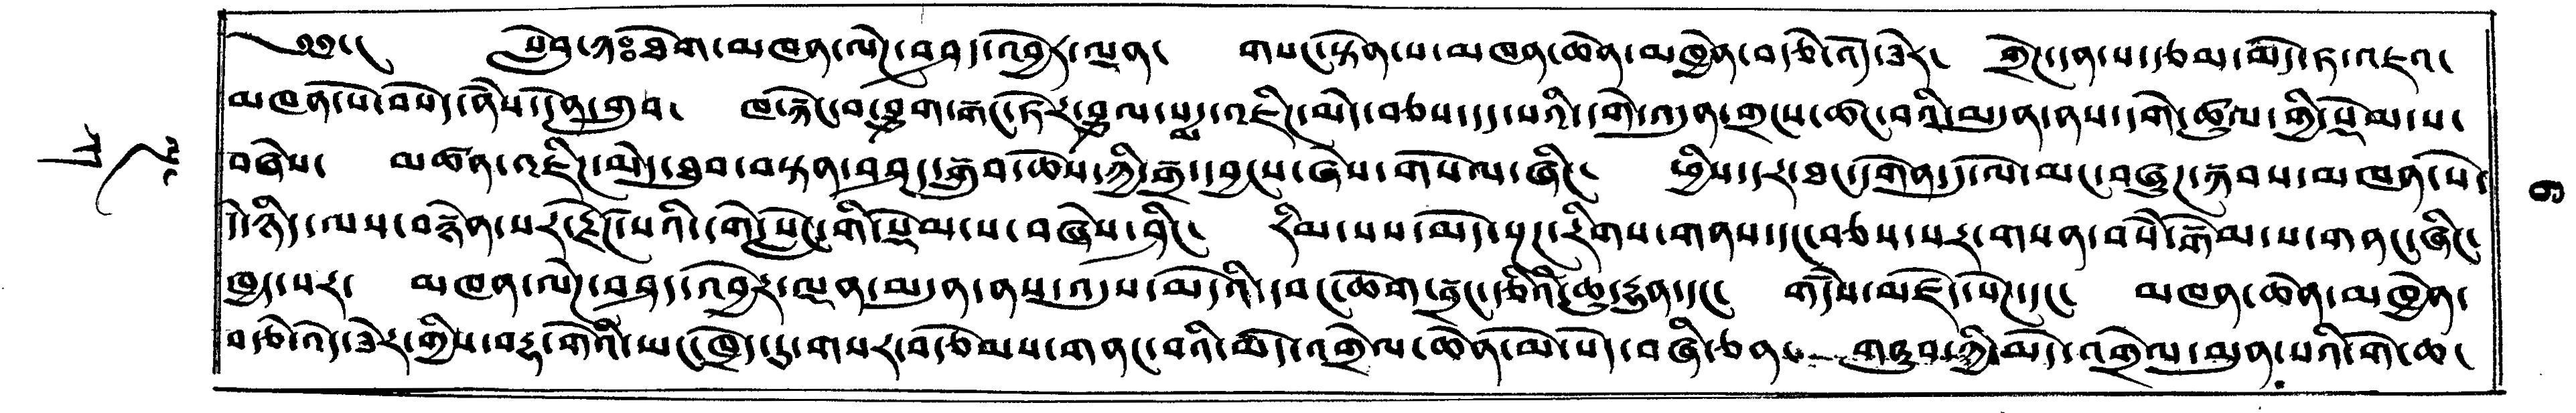སློབ་ཀཿཐོག་མཁན་ལེགས་བཤད་འབྱོར་ལྡན། གསང་སྟོན་པ་མཁན་ཆེན་མཁྱེན་བརྩེ་འོད་ཟེར། གྲོགས་དན་པ་རྩམ་མདོ་ཧ་འཇའ་
མཁན་པོ་བསོད་ནམས་དོན་གྲུབ། ཁ་སྐོང་བ་ཤུག་སྒང་ཧོར་ཤུལ་པདྨ་འཇིགས་མེད་བཅས་དད་པའི་དགེ་འདུན་གྲངས་ཚང་བའི་མདུན་ནས་དགེ་ཚུལ་གྱི་སྡོམ་པ་
བཞེས། མཚན་༧འཇིགས་མེད་ཐུབ་བསྟན་བཤད་སྒྲུབ་ཆོས་ཀྱི་སྒྲ་དབྱངས་ཞེས་གསོལ་། ཕྱིས་དར་ཐང་དགོན་དུ་ལོ་མང་བཞུགས་སྐབས་མཁན་པོ་
དེ་ཉིད་ལས་བསྙེན་པར་རྫོགས་པའི་དགེ་སློང་གི་སྡོམ་པ་བཞེས་ཤིང་རིམ་པས་མདོ་སྔགས་རིག་གནས་དང་བཅས་པར་གསན་བསམ་སྒོམ་པ་གནང་། 
ཁྱད་པར་མཁན་ལེགས་བཤད་འབྱོར་ལྡན་ནས་འདུས་མདོའི་དབང་ཆོག་སྦྲང་རྩིའི་ཆུ་རྒྱུན་དང་། གདམས་མཛོད་སོགས་དང་། མཁན་ཆེན་མཁྱེན་
བརྩེ་འོད་ཟེར་གྱི་བརྡ་གོའི་ཡང་ཁྲོད་དུ་གསར་བརྩོམ་གནང་བའི་མདོ་འགྲེལ་ཆེན་མོ་པོད་བཞི་ཅན། གནུབས་ཀྱི་མདོ་འགྲེལ་མུན་པའི་གོ་ཆ།